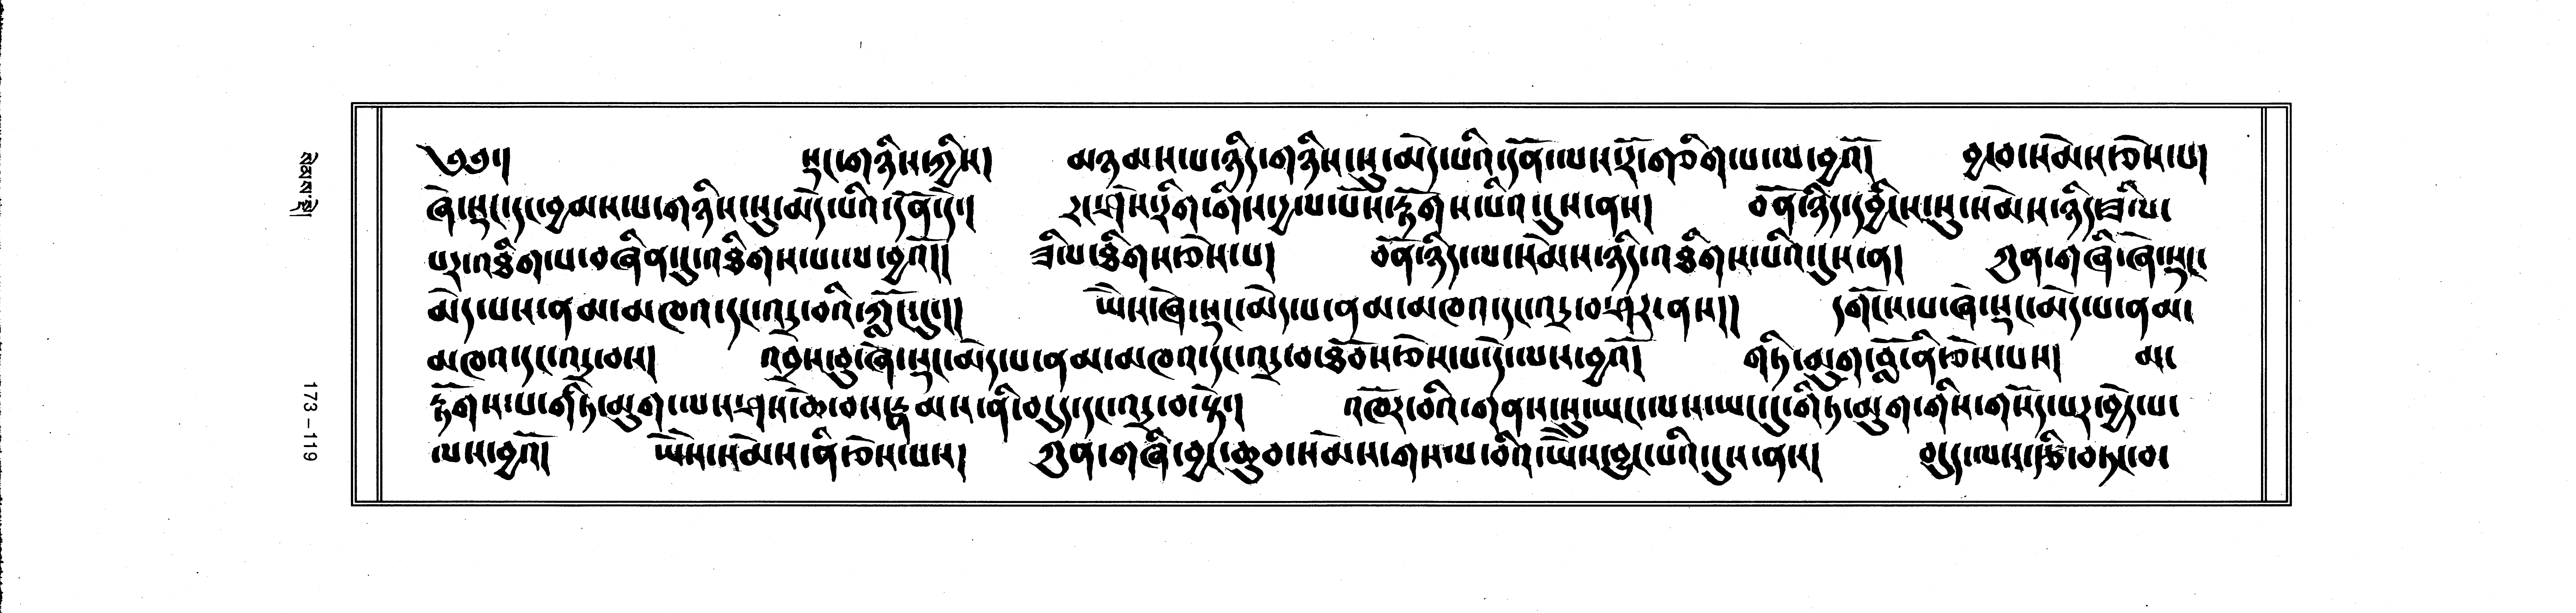སྡང་གཉིས་ཀྱིས། མཉམ་པ་ཉིད་གཉིས་སུ་མེད་པའི་དོན་ལས་རོ་གཅིག་པ་ལ་བྱའོ། །བྱང་ཆུབ་སེམས་ཅེས་པ། 
ཞེ་སྡང་དང་བྱམས་པ་གཉིས་སུ་མེད་པའི་དོན་དེ། རང་ཤེས་རིག་གི་རྒྱལ་པོས་རྟོགས་པའི་དུས་ན། བོན་ཉིད་དབྱིངས་སུ་སེམས་ཉིད་ཟིལ་
པར་འཐིག་པ་བཞིན་དུ་འཐིགས་པ་ལ་བྱའོ། །ཟིལ་ཐིགས་ཅེས་པ། བོན་ཉིད་ལ་སེམས་ཉིད་འཐིགས་པའི་དུས་ན། ཀུན་གཞི་ཞེ་སྡང་
མེད་པས་ནམ་མཁའ་དང་འདྲ་བའི་ཀློང་དུ། ཡེ་ཤེས་ཞེ་སྡང་མེད་པ་ནམ་མཁའ་དང་འདྲ་བ་ཤར་ནས། དགོངས་པ་ཞེ་སྡང་མེད་པ་ནམ་
མཁའ་དང་འདྲ་བས། འབྲས་བུ་ཞེ་སྡང་མེད་པ་ནམ་མཁའ་དང་འདྲ་བ་ཐོབ་ཅེས་པ་དེ་ལ་བྱའོ། །གཏི་མུག་བློ་ནི་ཅེས་པས། མ་
རྟོགས་པ་གཏི་མུག་གི་ལས་ཤས་ཆེ་བ་རྣམས་ནི་བདུད་དང་འདྲ་བ་སྟེ། འཁོར་བའི་གནས་སུ་ཡང་ནས་ཡང་དུ་གཏི་མུག་གིས་གསོད་པར་བྱེད་པ་
ལས་བྱའོ། །ཡེ་ཤེས་སེམས་ནི་ཅེས་པས། ཀུན་གཞི་བྱང་ཆུབ་སེམས་གསལ་བའི་ཡེ་ཤེས་བྱུང་བའི་དུས་ནས། བདུད་ལས་རྩི་བཏང་བ་